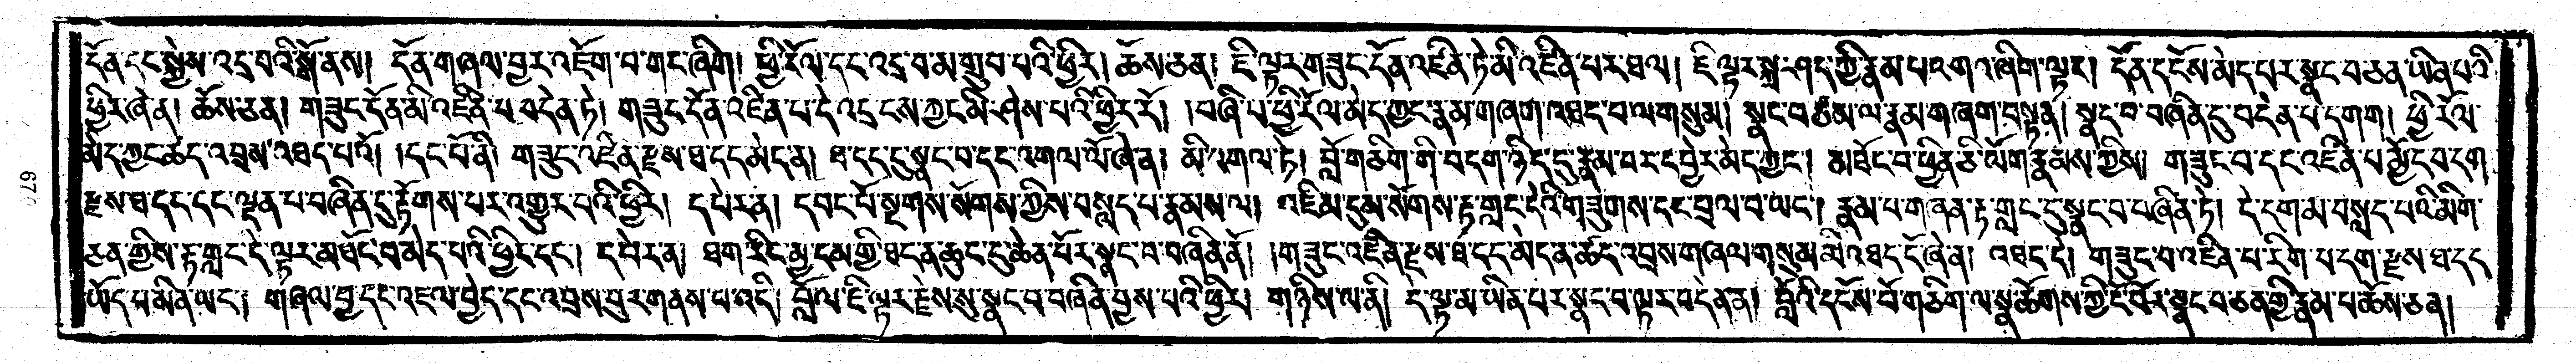དོན་དང་སྐྱེས་འདྲ་བའི་སྒོ་ནས། དོན་གཞལ་བྱར་འཇོག་པ་གང་ཞིག། ཕྱི་རོལ་དང་འདྲ་བ་མ་གྲུབ་པའི་ཕྱིར། ཆོས་ཅན། ཇི་ལྟར་གཟུང་དོན་འཛིན་ཏེ་མི་འཛིན་པར་ཐལ། ཇི་ལྟར་སྐྲ་ཤད་ཀྱི་རྣམ་པ་འགའ་ཞིག་ལྟར། དོན་དངོས་མེད་པར་སྣང་བ་ཅན་ཡིན་པའི་
ཕྱིར་ཞེ་ན། ཆོས་ཅན། གཟུང་དོན་མི་འཛིན་པ་བདེན་ཏེ། གཟུང་དོན་འཛིན་པ་དེ་འདྲངས་ཀྱང་མི་ཤེས་པའི་ཕྱིར་རོ། །བཞི་པ་ཕྱི་རོལ་མེད་ཀྱང་རྣམ་གཞག་འཐད་པ་ལ་གསུམ། སྣང་བ་ཙམ་ལ་རྣམ་གཞག་བསྟན། སྣང་བ་བཞིན་དུ་བདེན་པ་དགག། ཕྱི་རོལ་
མེད་ཀྱང་ཚད་འབྲས་འཐད་པའོ། །དང་པོ་ནི། གཟུང་འཛིན་རྫས་ཐ་དད་མེད་ན། ཐ་དད་དུ་སྣང་བ་དང་འགལ་ལོ་ཞེ་ན། མི་འགལ་ཏེ། བློ་གཅིག་གི་བདག་ཉིད་དུ་རྣམ་པར་དབྱེར་མེད་ཀྱང་། མཐོང་བ་ཕྱིན་ཅི་ལོག་རྣམས་ཀྱིས། གཟུང་བ་དང་འཛིན་པ་མྱོང་བ་དག་
རྫས་ཐ་དད་དང་ལྡན་པ་བཞིན་དུ་རྟོགས་པར་འགྱུར་བའི་ཕྱིར། དཔེར་ན། དབང་པོ་སྔགས་སོགས་ཀྱིས་བསླད་པ་རྣམས་ལ། འཇིམ་དུམ་སོགས་རྟ་གླང་དེའི་གཟུགས་དང་བྲལ་བ་ཡང་། རྣམ་པ་གཞན་རྟ་གླང་དུ་སྣང་བ་བཞིན་ཏེ། དེ་དག་མ་བསླད་པའི་མིག་
ཅན་གྱིས་རྟག་གླང་དེ་ལྟར་མཐོང་བ་མེད་པའི་ཕྱིར་དང་། དཔེར་ན། ཐག་རིང་མྱ་ངམ་གྱི་ཐད་ན་ཆུང་དུ་ཆེན་པོར་སྣང་བ་བཞིན་ནོ། །གཟུང་འཛིན་རྫས་ཐ་དད་མེད་ན་ཚད་འབྲས་གཞལ་གསུམ་མི་འཐད་དོ་ཞེ་ན། འཐད་དེ། གཟུང་བ་འཛིན་པ་རིག་པ་དག་རྫས་ཐ་དད་
ཡོད་པ་མིན་ཡང་། གཞལ་བྱ་དང་འཇལ་བྱེད་དང་འབྲས་བུར་གནས་པ་འདི། བློ་ལ་ཇི་ལྟར་རྗེས་སུ་སྣང་བ་བཞིན་བྱས་པའི་ཕྱིར། གཉིས་ལ་ནི། དེ་ལྟ་མ་ཡིན་པར་སྣང་བ་ལྟར་བདེན་ན། བློའི་དངོས་པོ་གཅིག་ལ་སྣ་ཚོགས་ཀྱི་ངོ་བོར་སྣང་བ་ཅན་གྱི་རྣམ་པ་ཆོས་ཅན།